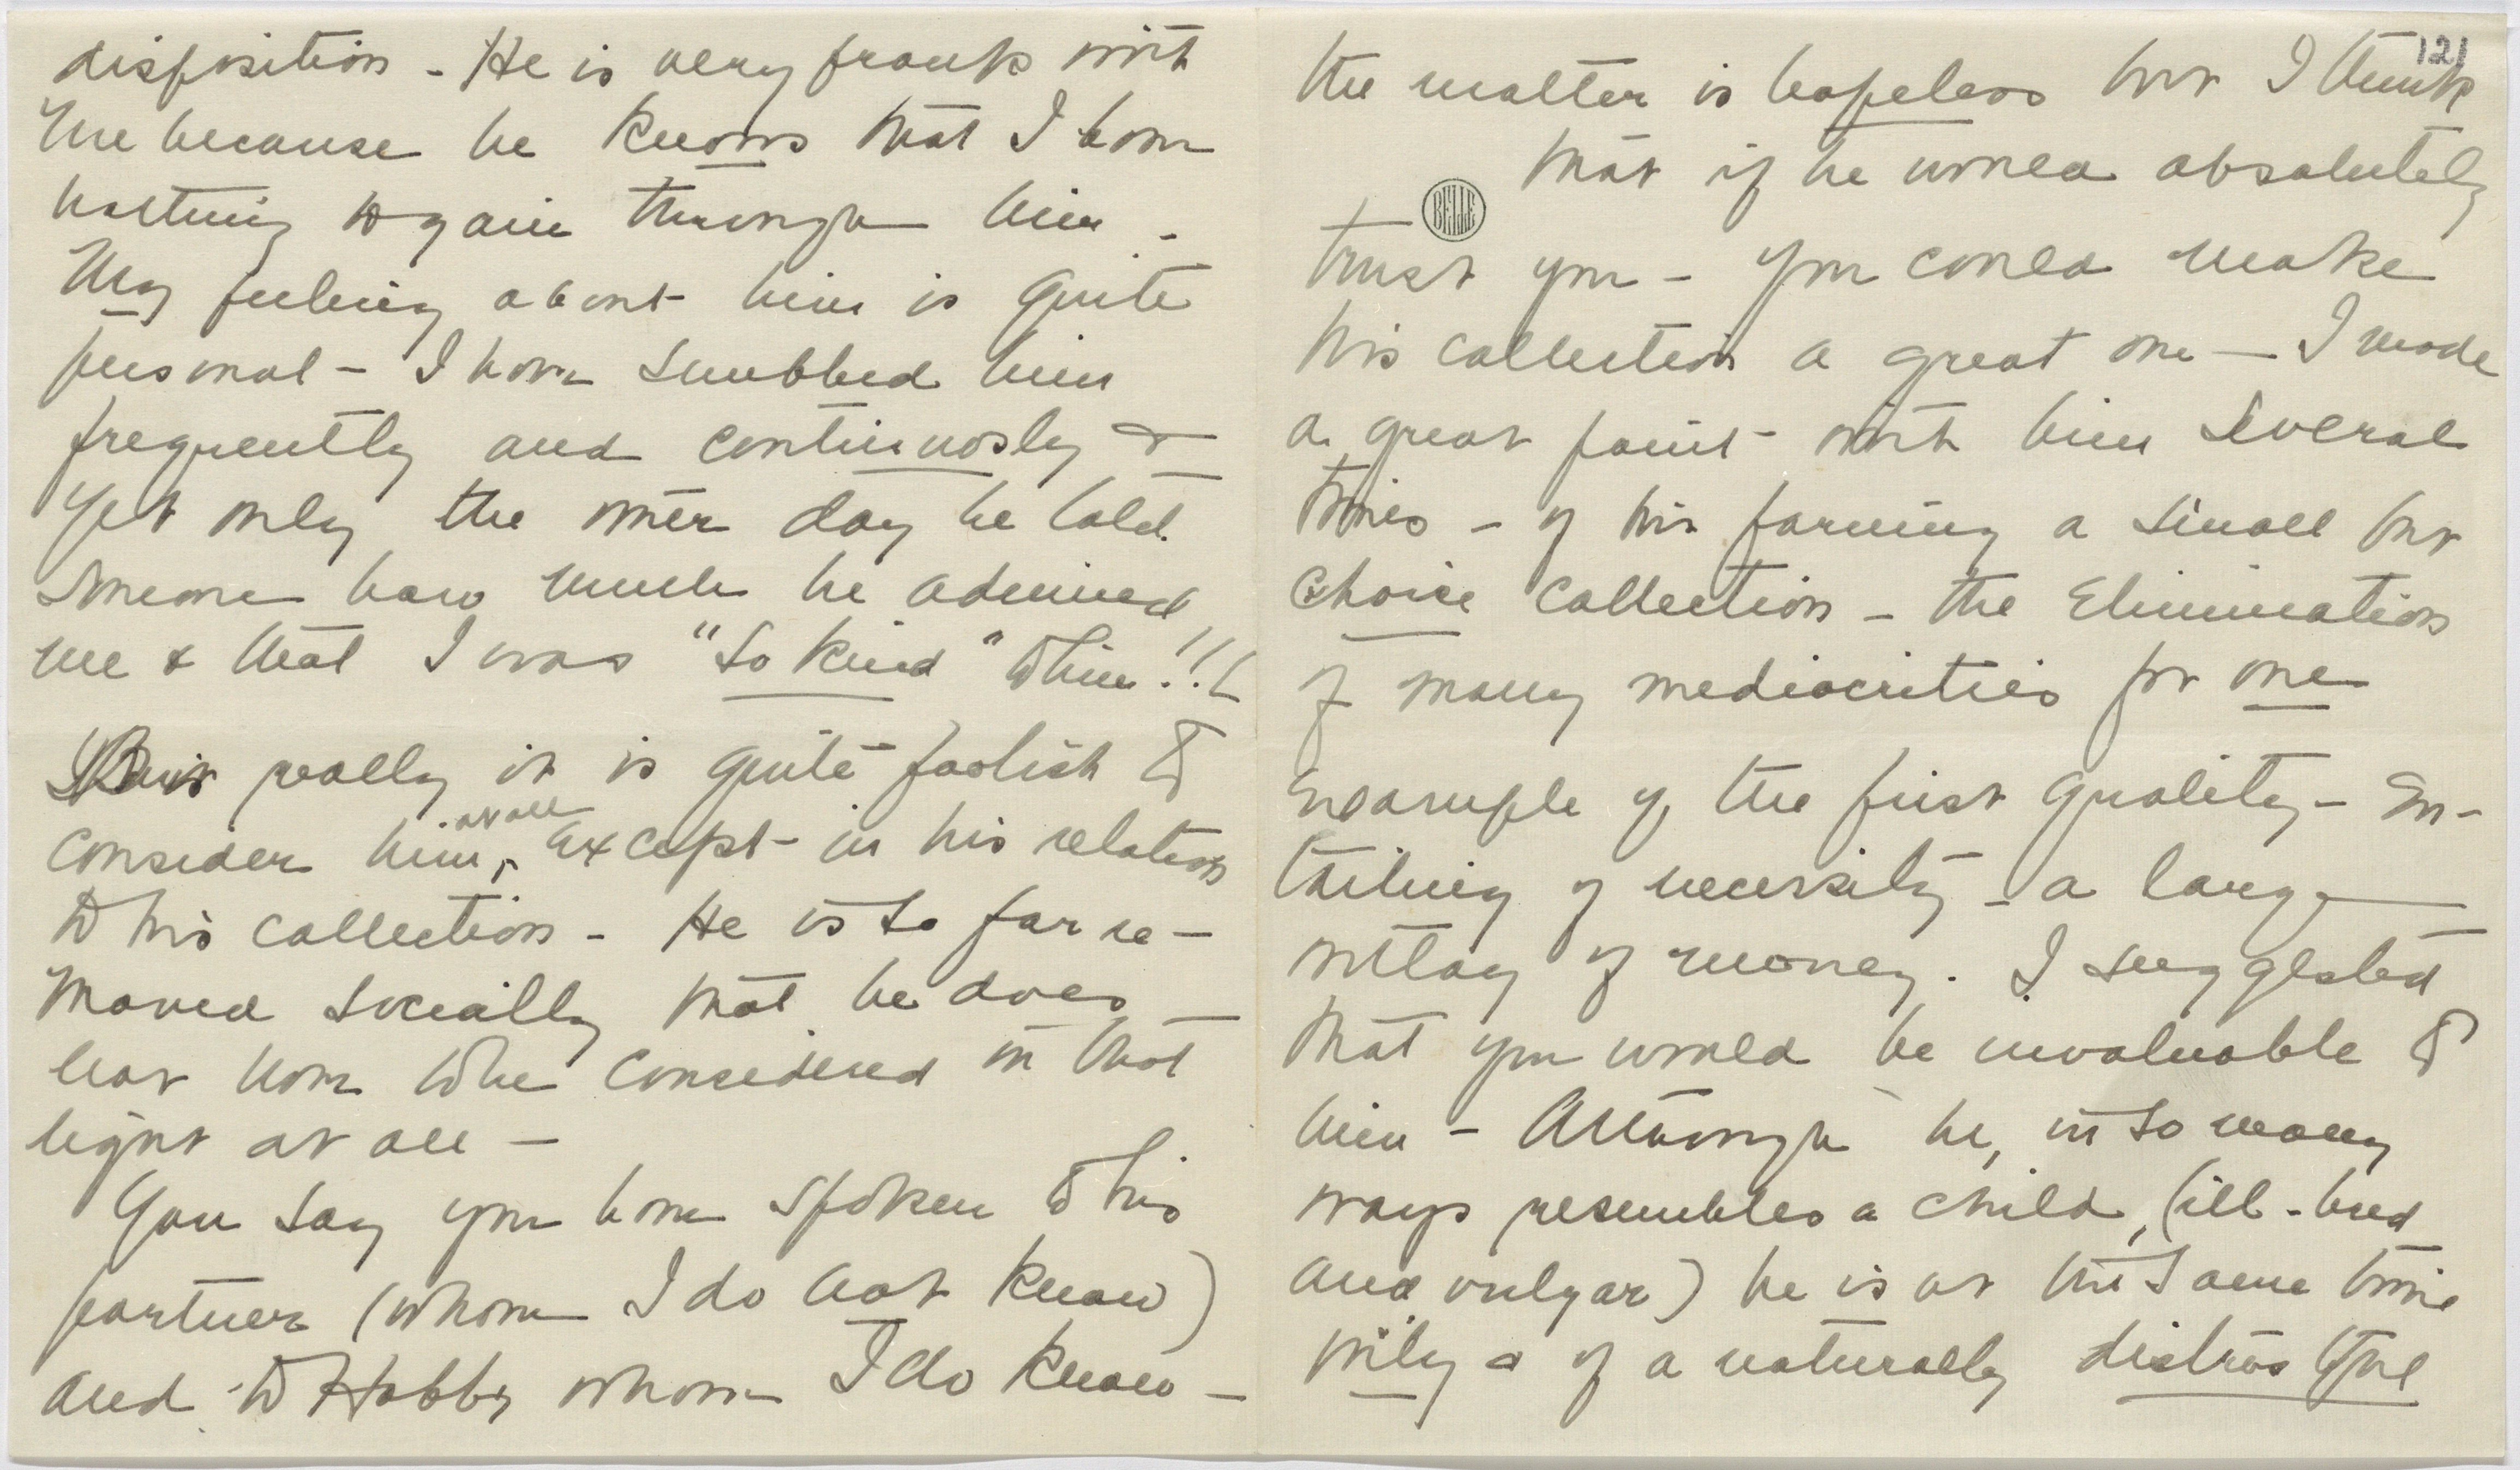the matter is hopeless but I think that if he would absolutely trust you – you could make his collection a great one – I made a great point with him several times – of his forming a small but choice collection – the eliminations of many mediocrities for one example of the first quality – entailing of necessity – a large outlay of money. I suggested that you would be invaluable to him – Although he, in so many ways resembles a child, (ill-bred and vulgar) he is at the same time wily & of a naturally distrustful
disposition – He is very frank with me because he knows that I have nothing to gain through him – My feeling about him is quite personal – I have snubbed him frequently and continuously & yet only the other day he told someone how much he admired me & that I was “so kind” to him!!!
It is But really it is quite foolish to consider him ˆat allˆ except in his relations to his collection – He is so far removed socially that he does not have to be considered in that light at all –
You say you have spoken to his partner (whom I do not know) and to Hobby whom I do know –